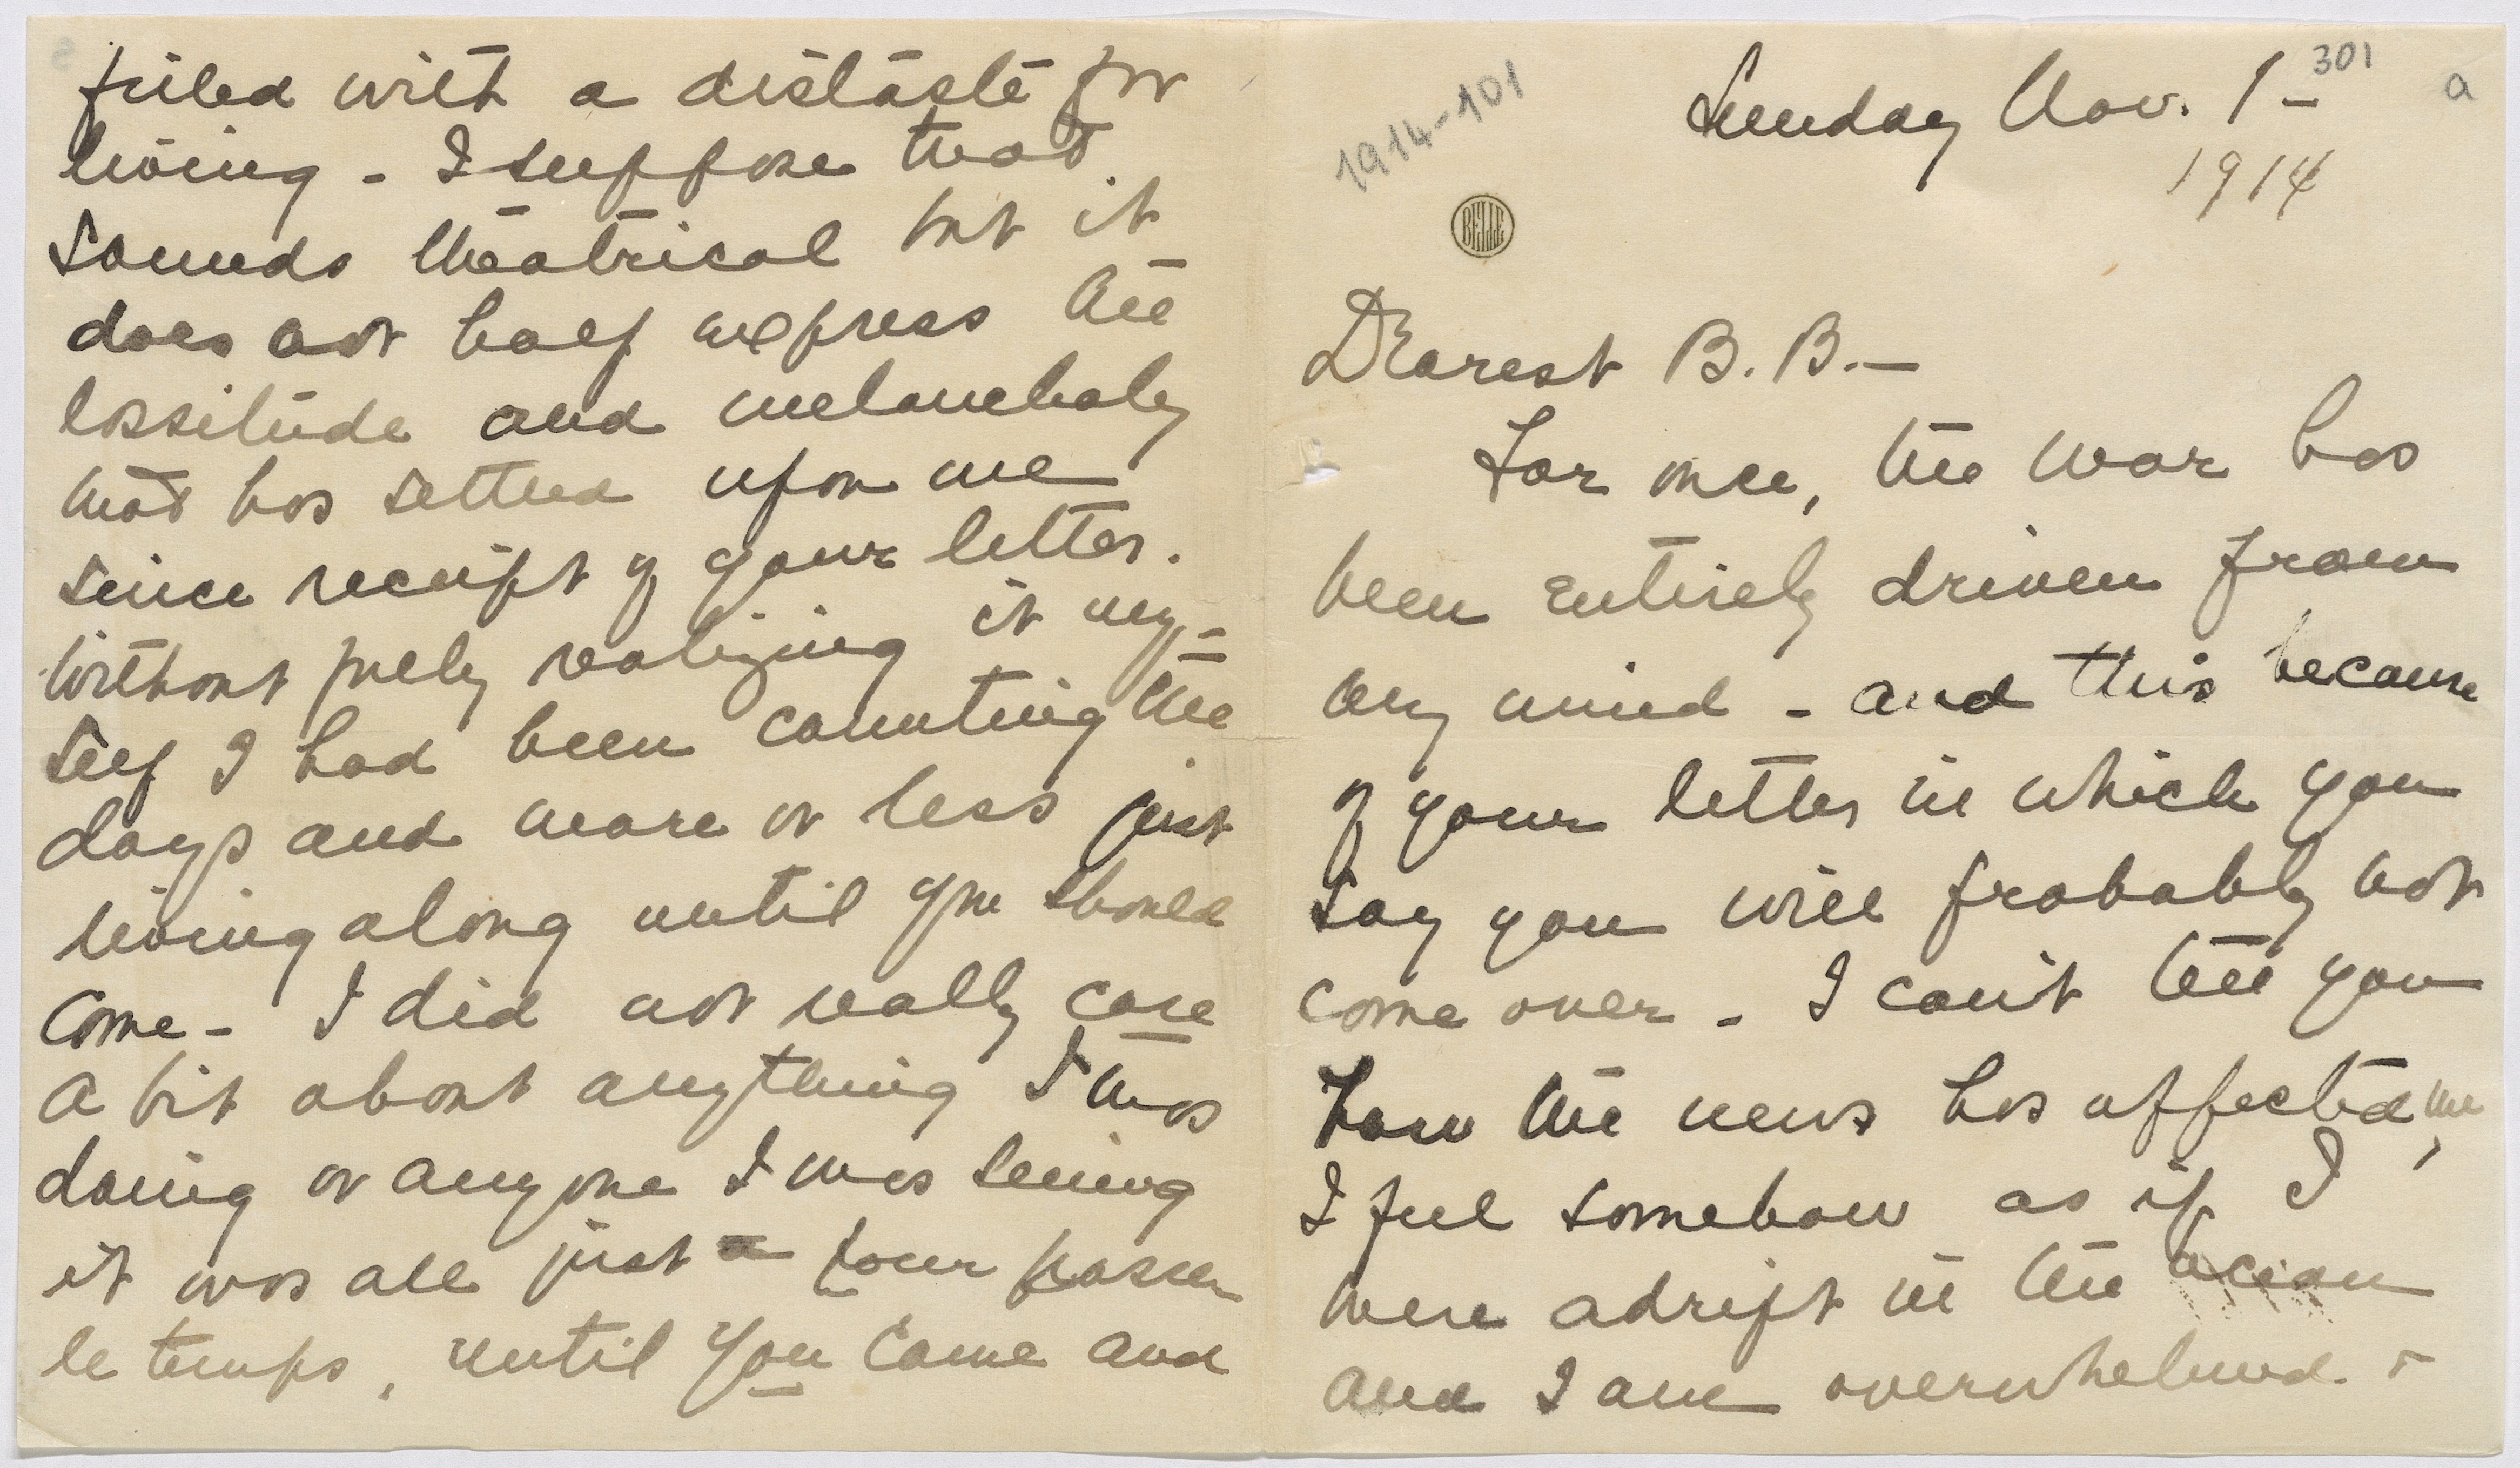Sunday Nov. 1 –
Dearest B.B. –
For once, the war has been entirely driven from my mind – and this because of your letter in which you say you will probably not come over – I can’t tell you how the news has affected me,
I feel somehow as if I were adrift in the ocean and I am overwhelmed &
filled with a distaste for living. I suppose that sounds theatrical but it does not half express the lassitude and melancholy that has settled upon me since receipt of your letter. Without fully realizing it myself I had been counting the days and more or less just living along until you should come – I did not really care a bit about anything I was doing or anyone I was seeing it was all just a pour passer le temps until you came and